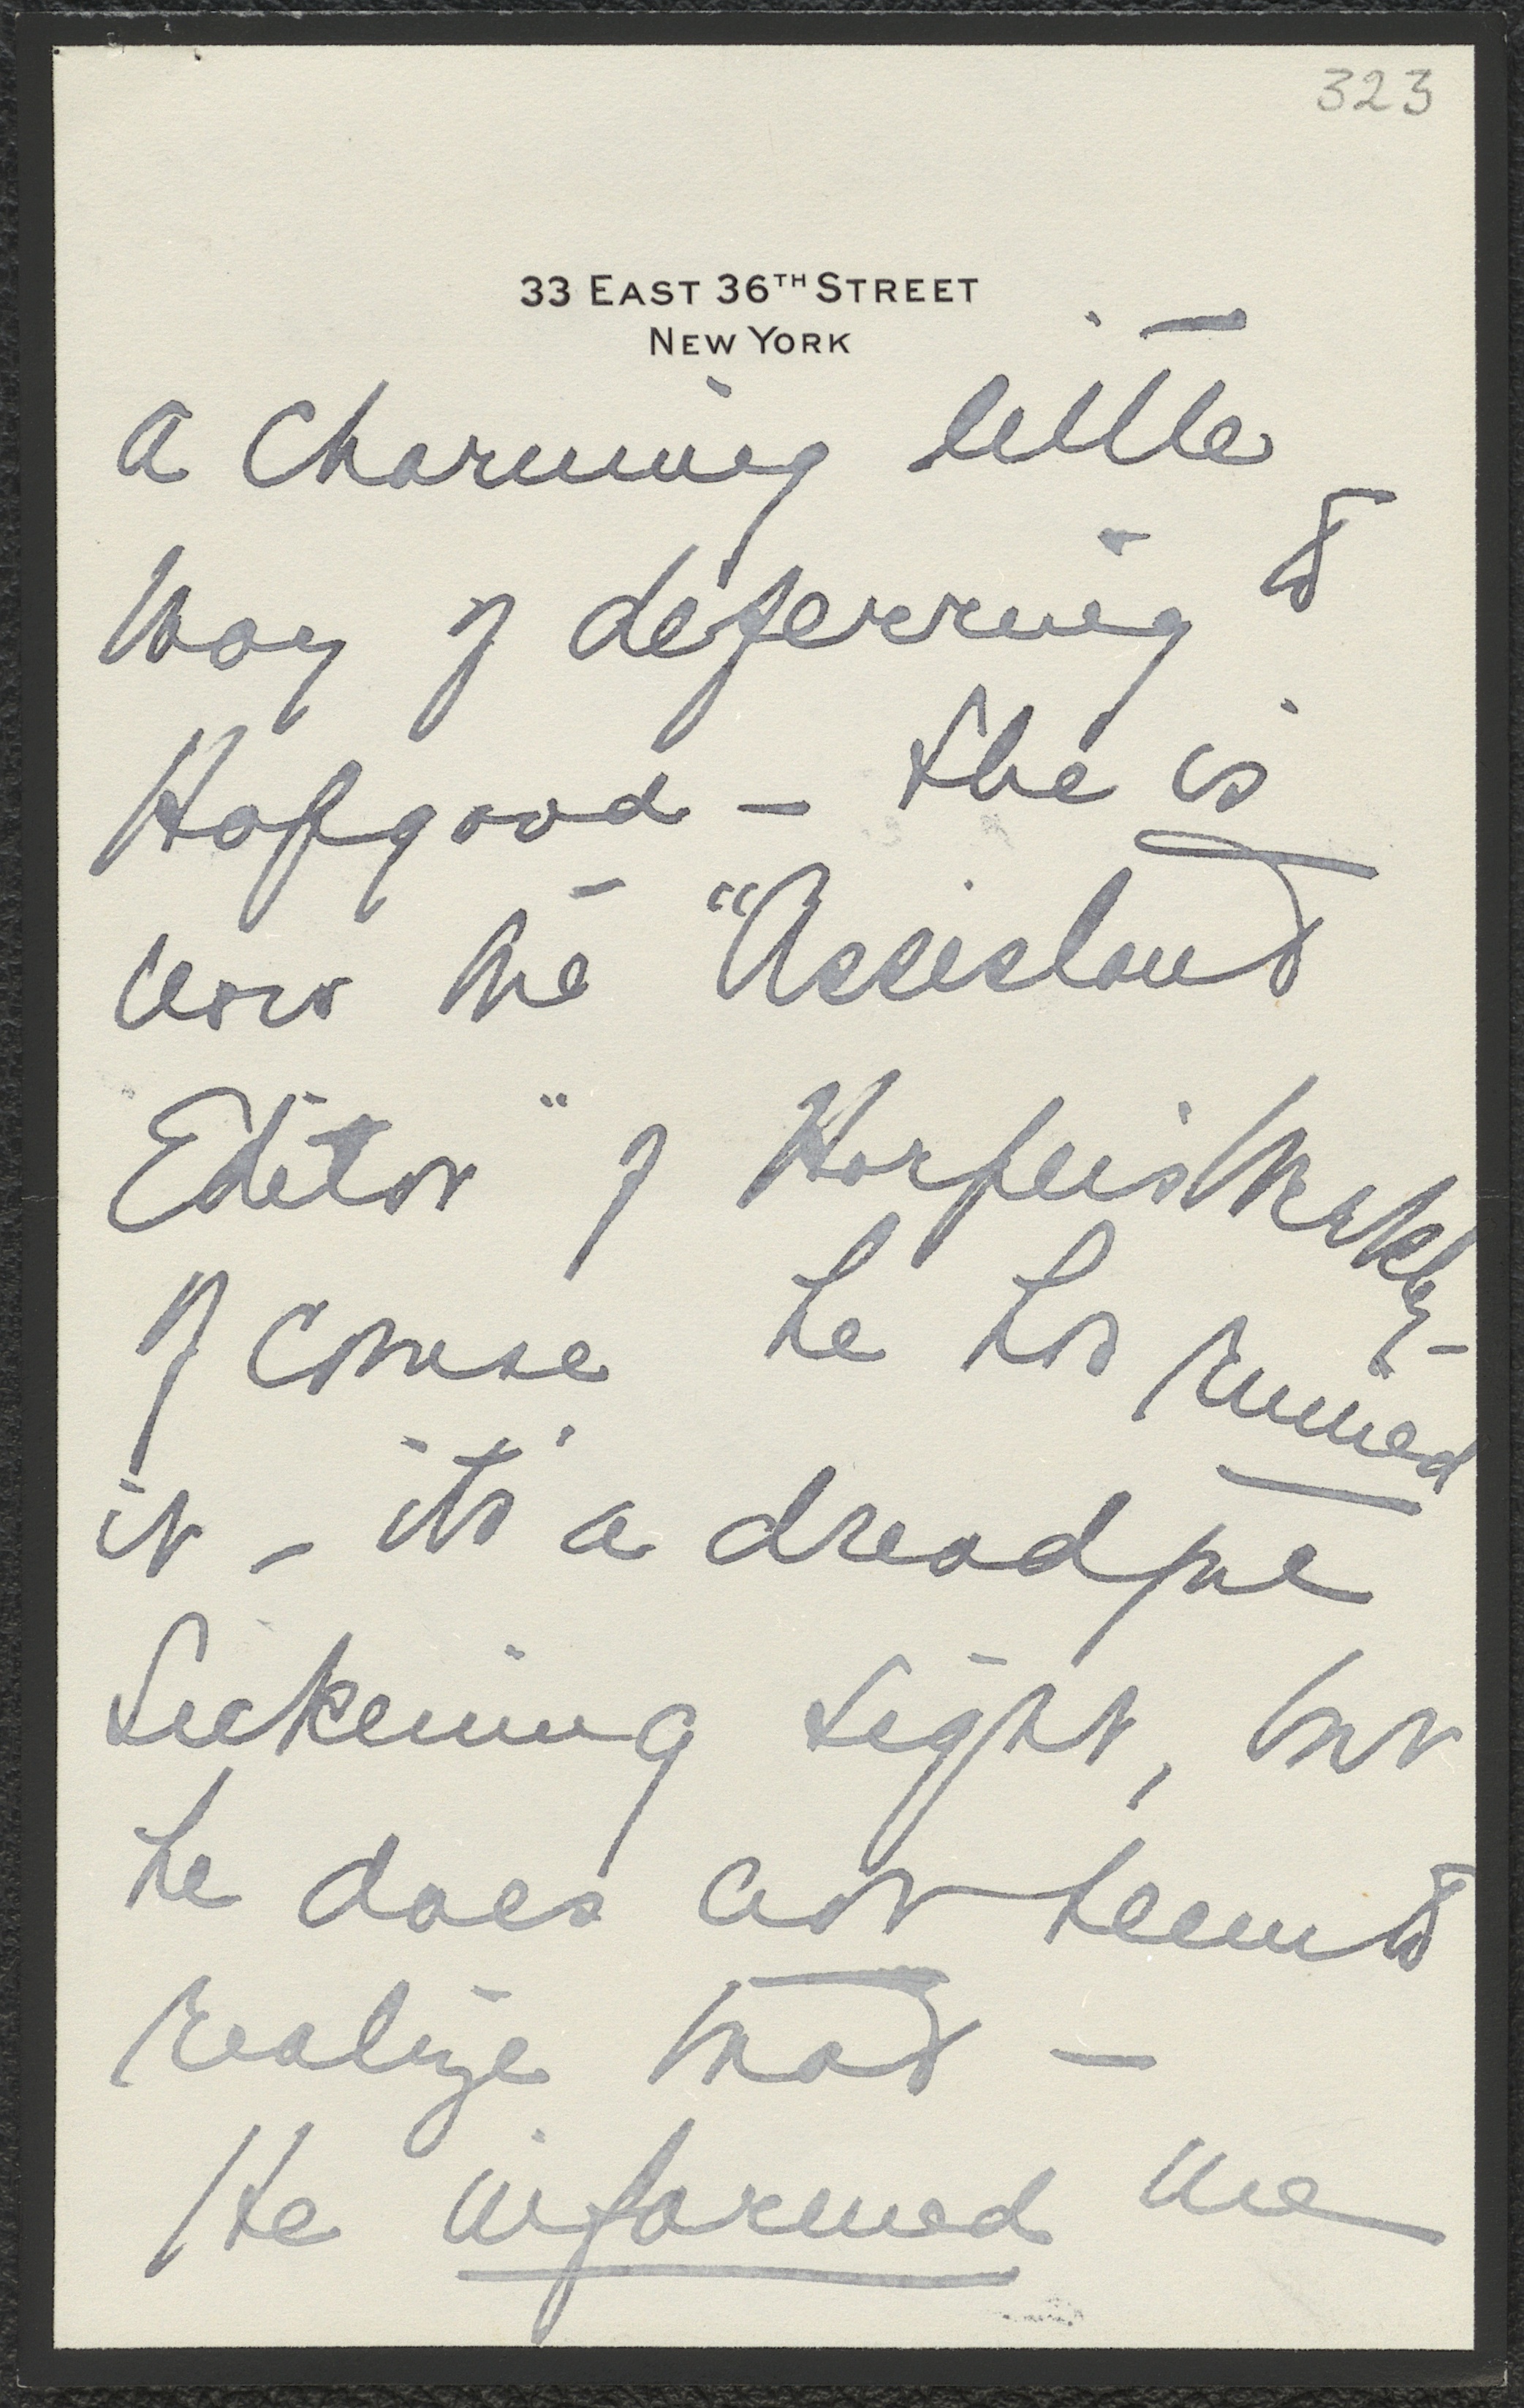a charming little way of deferrring to Hapgood – She is now the “Assistant Editor” of Harper’s Weekly – Of course he has ruined it – it’s a dreadful sickening sight, but he does not seem to realize that –
He informed me